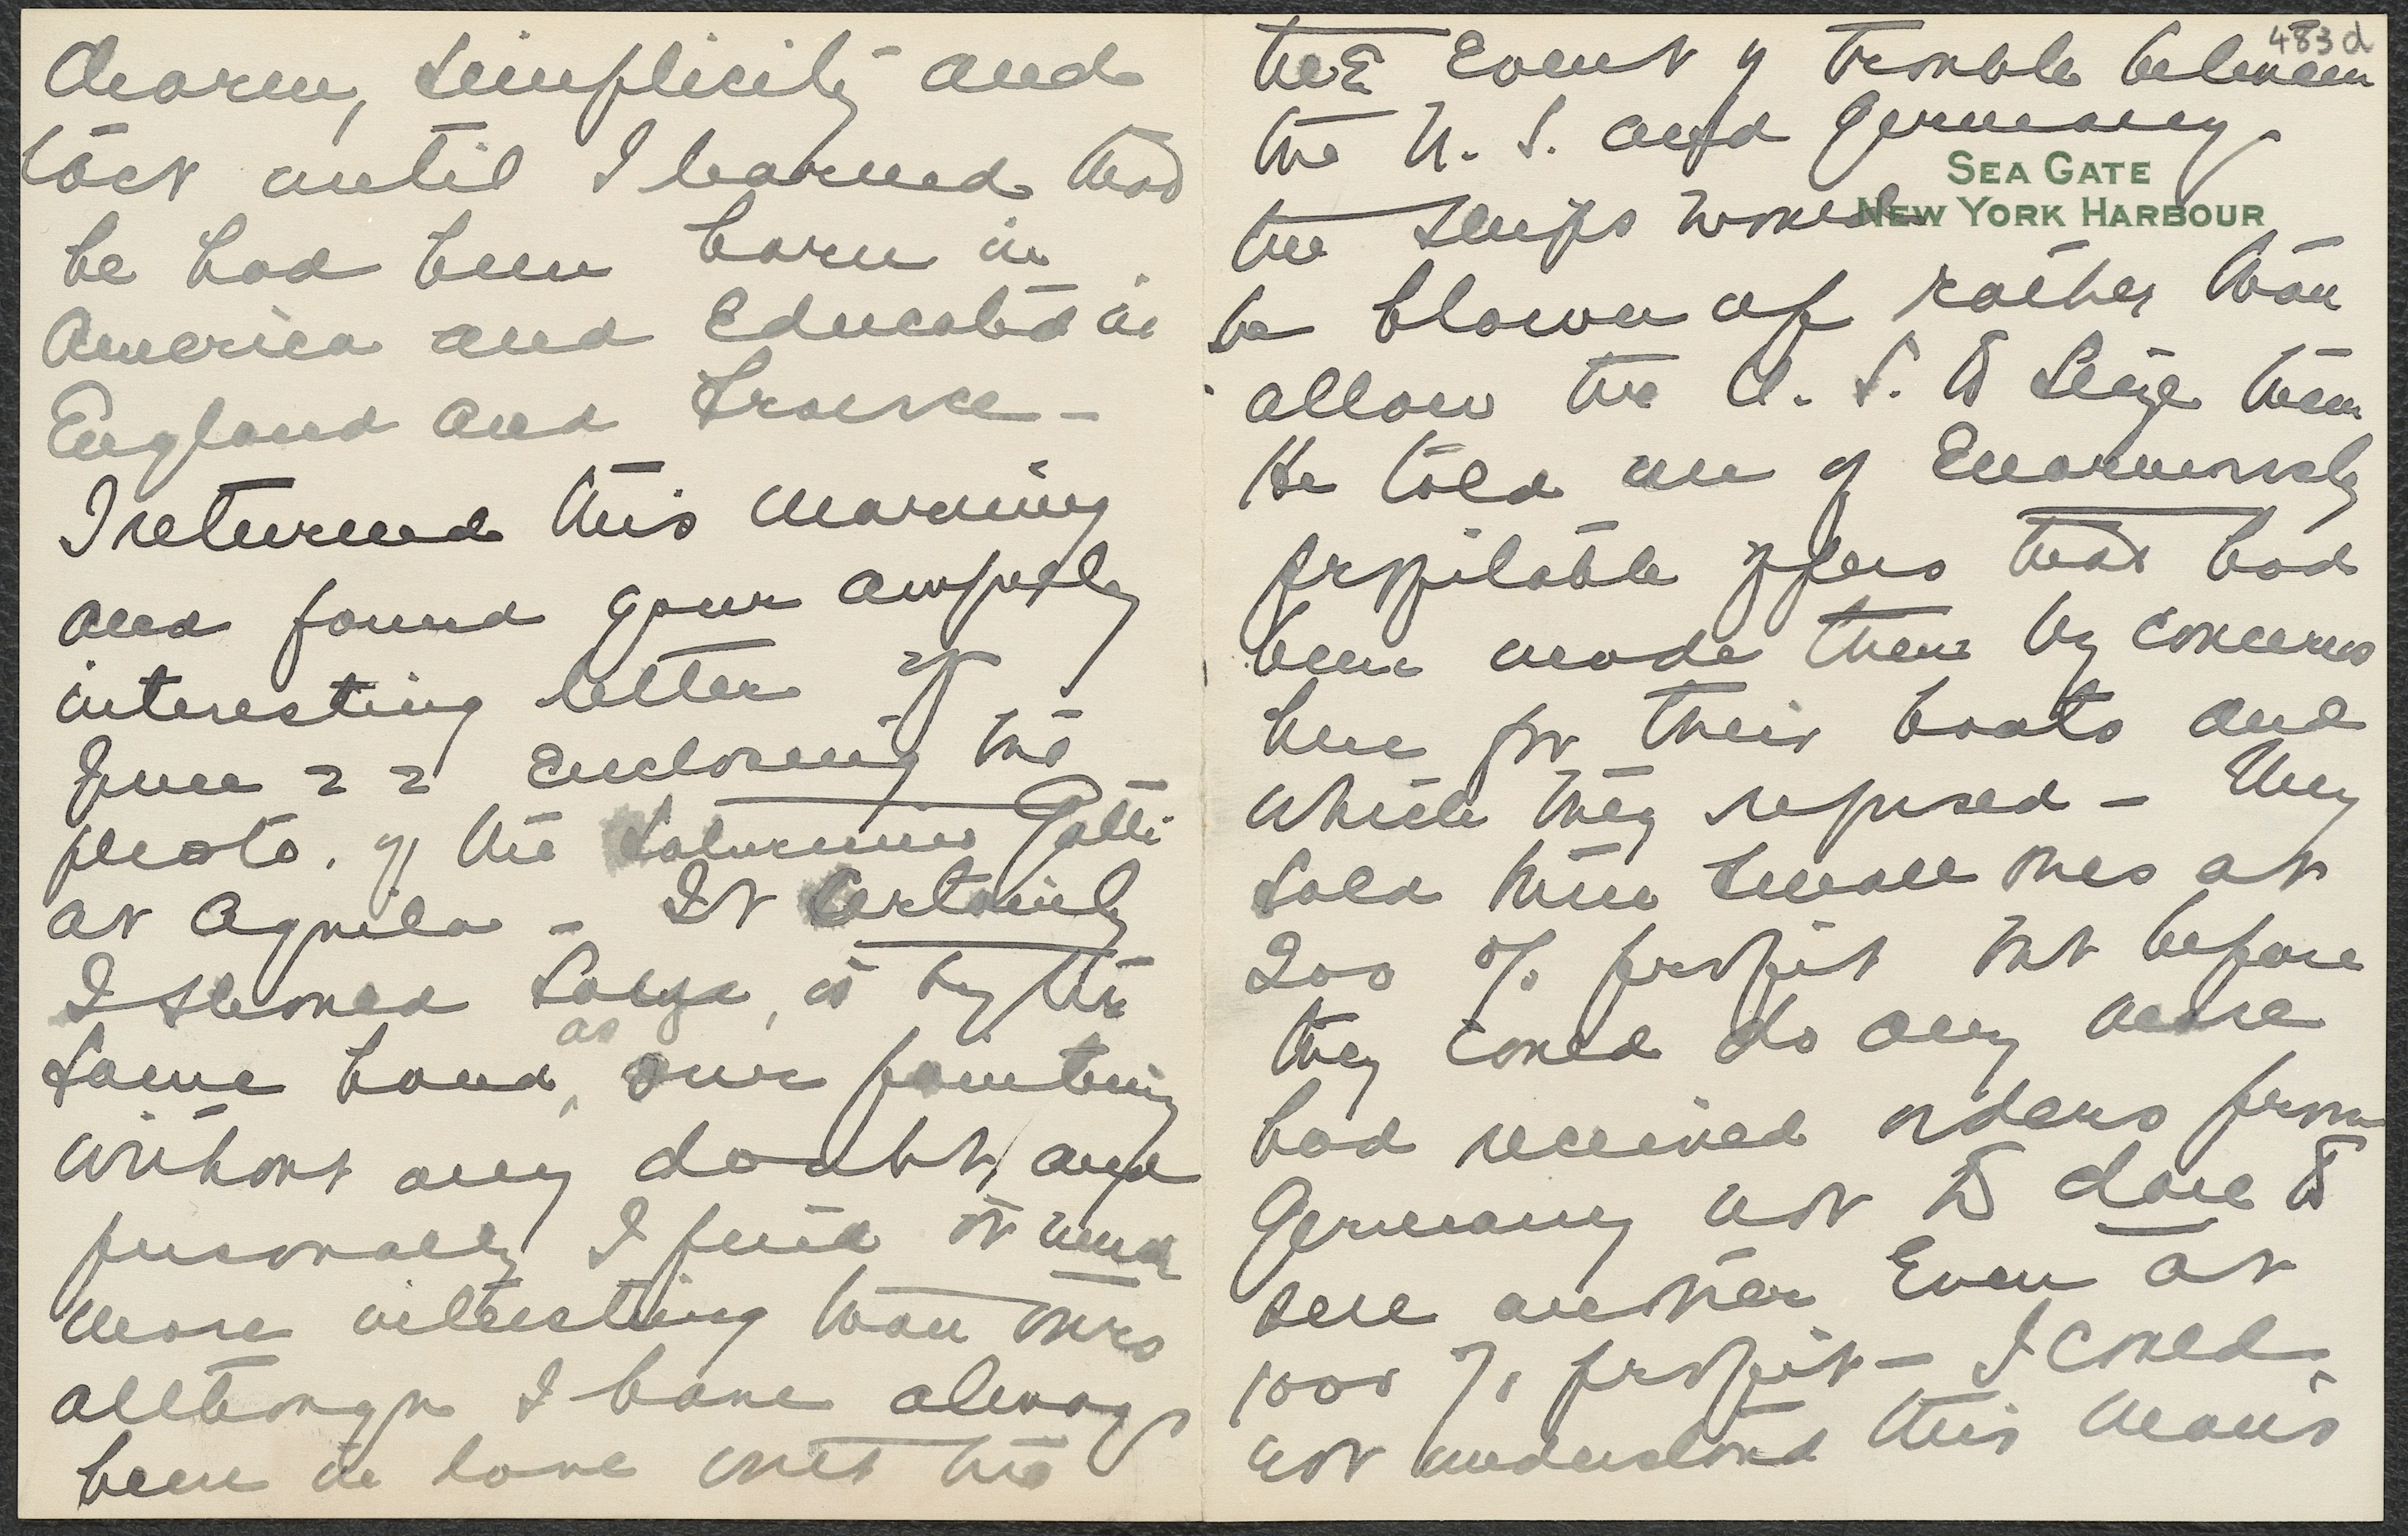the event of trouble between the U. S. and Germany the ships would be blown up rather than allow the U. S. to seize them
He told me of enormously profitable offers that had been made them by concerns here for their boats and which they refused – they sold them small ones at 200% profit but before they could do any more had received orders from Germany not to dare to sell another even at 1000% profit – I could not understand this man’s
charm, simplicity and tact until I learned that he had been born in America and educated in England and France –
I returned this morning and found your awfully interesting letter of June 22 enclosing the photo of the Saturnino Gatti at Aquila – It certainly I should say, is by the same hand [inserted: as] our painting without any doubt, and personally I find it much more interesting than ours although I have always been in love with the